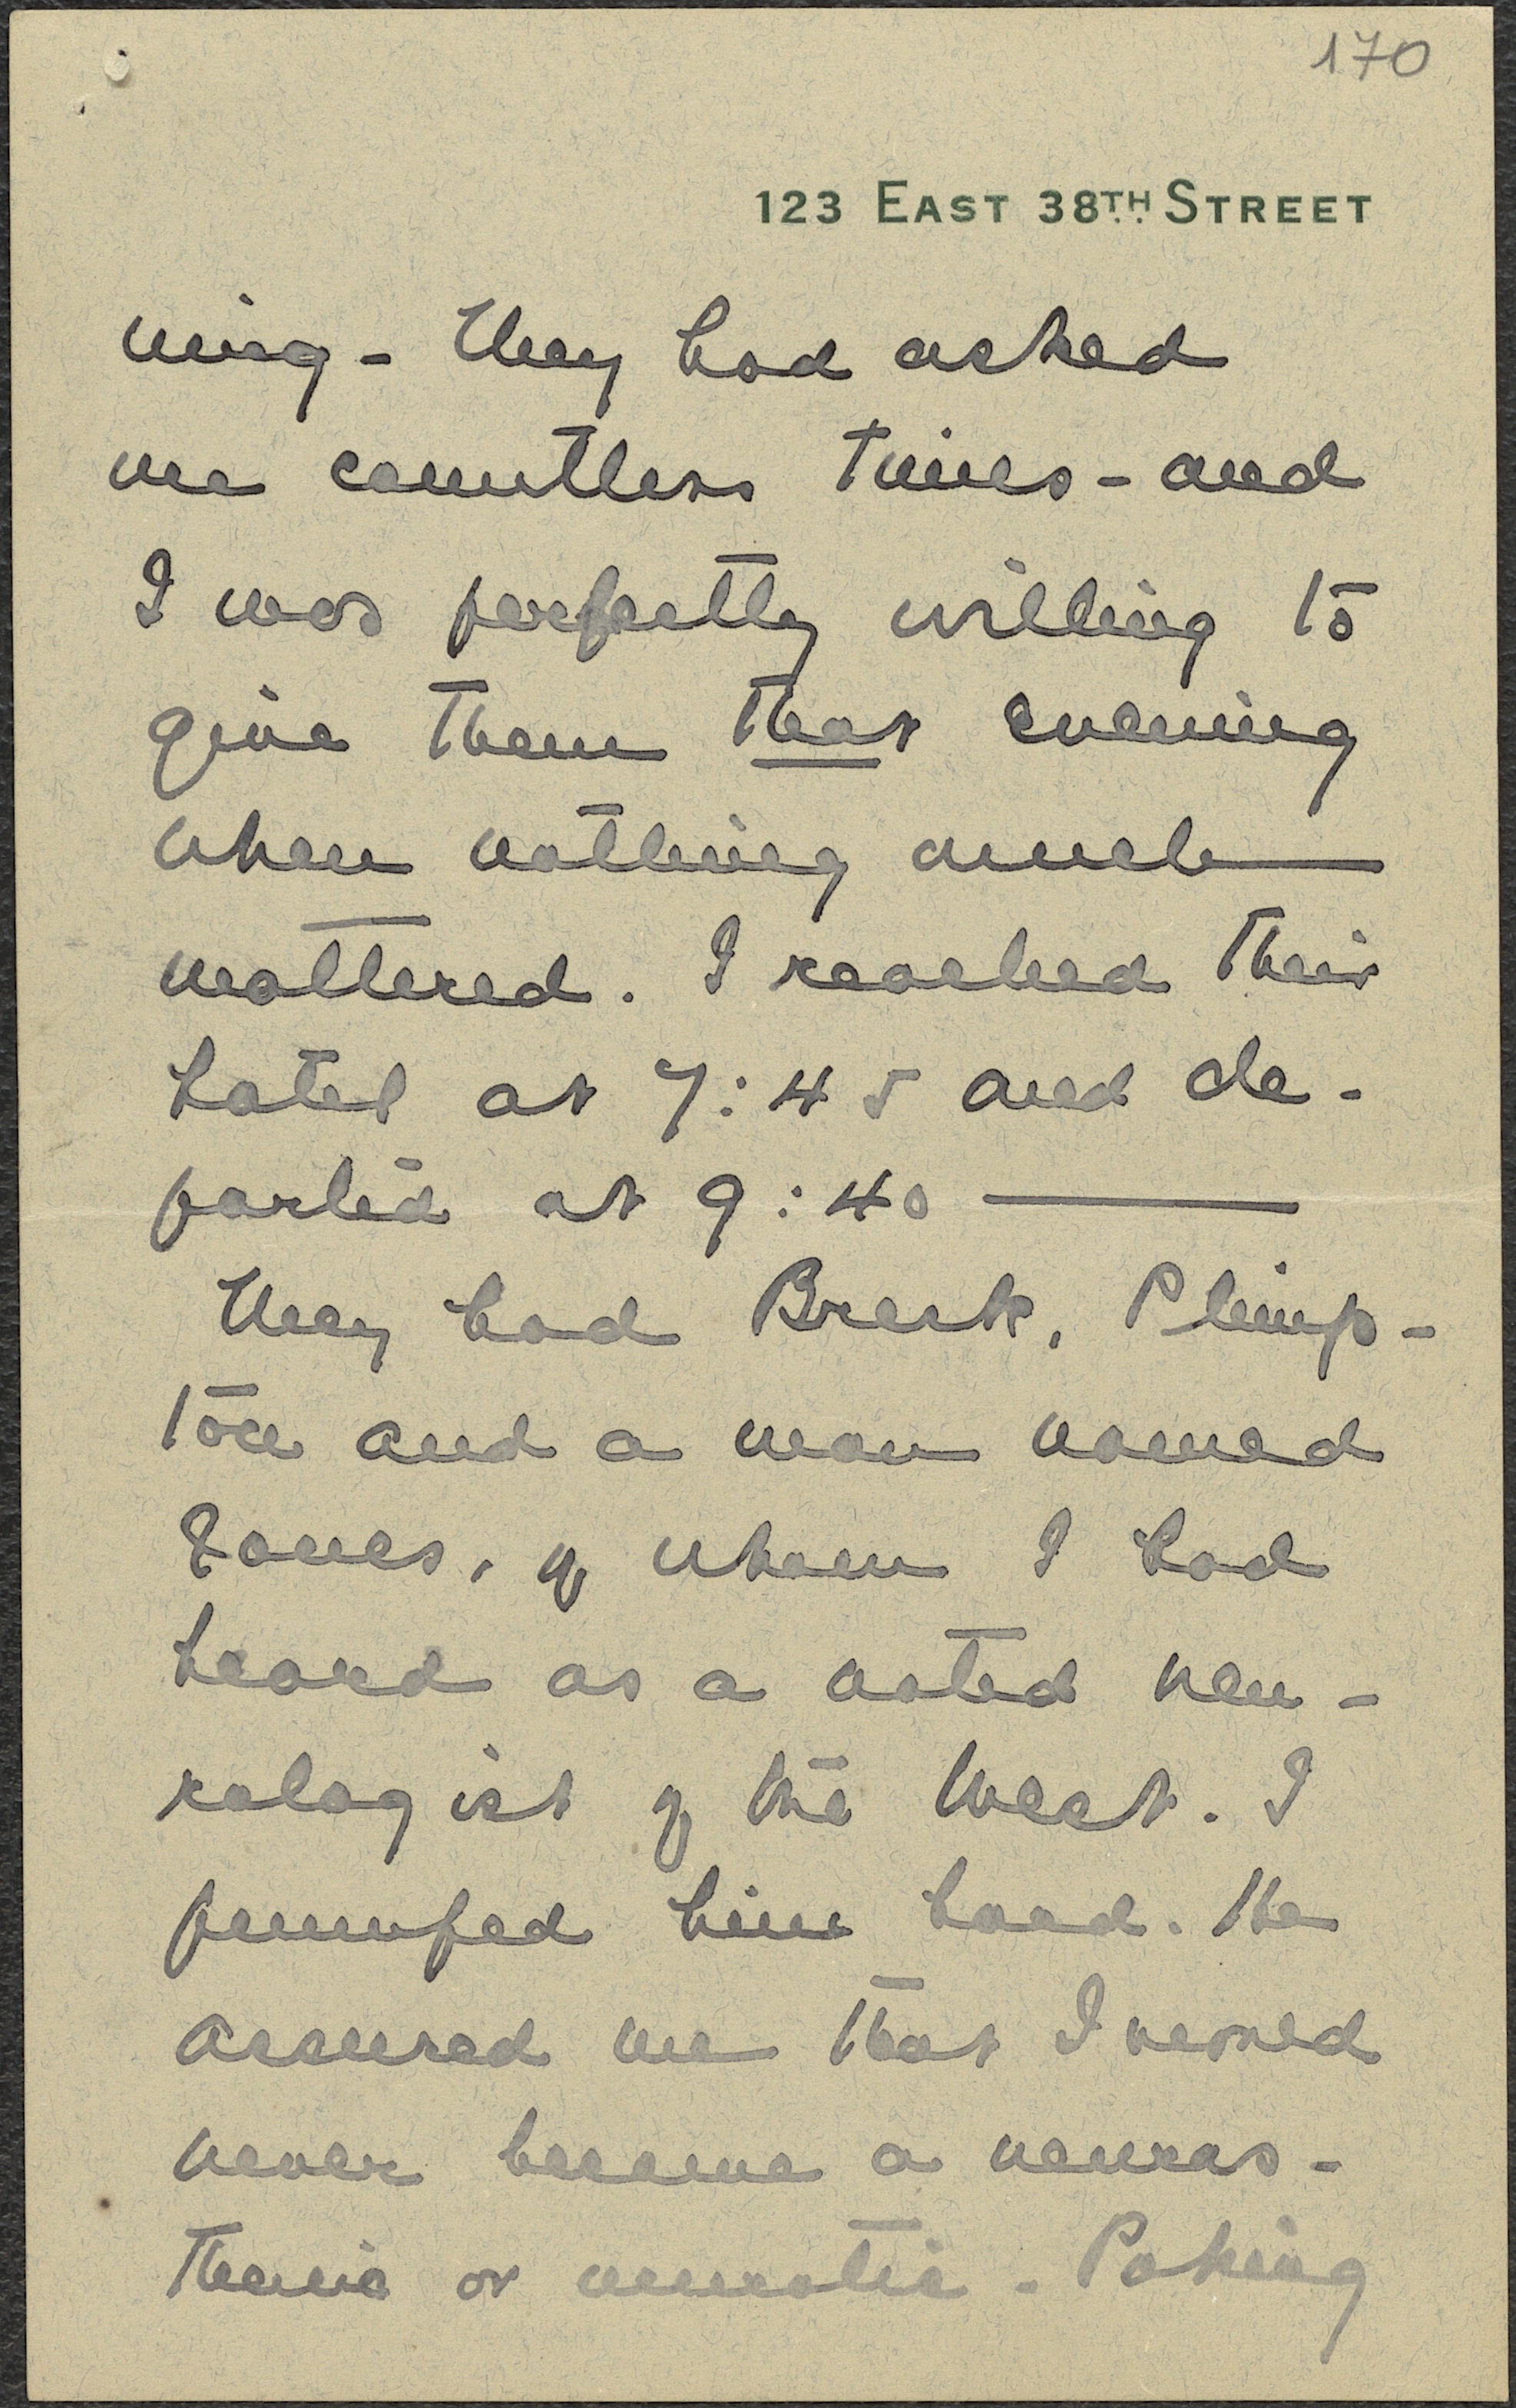– They had asked me countless times – and I was perfectly willing to give them that evening when nothing much mattered. I reached their hotel at 7:45 and departed at 9:40 –
They had Breck, Plimpton and a man named Jones, of whom I had heard as a noted neurologist of the West. I pumped him hard. He assured me that I would never become a neurasthenic or neurotic. Poking